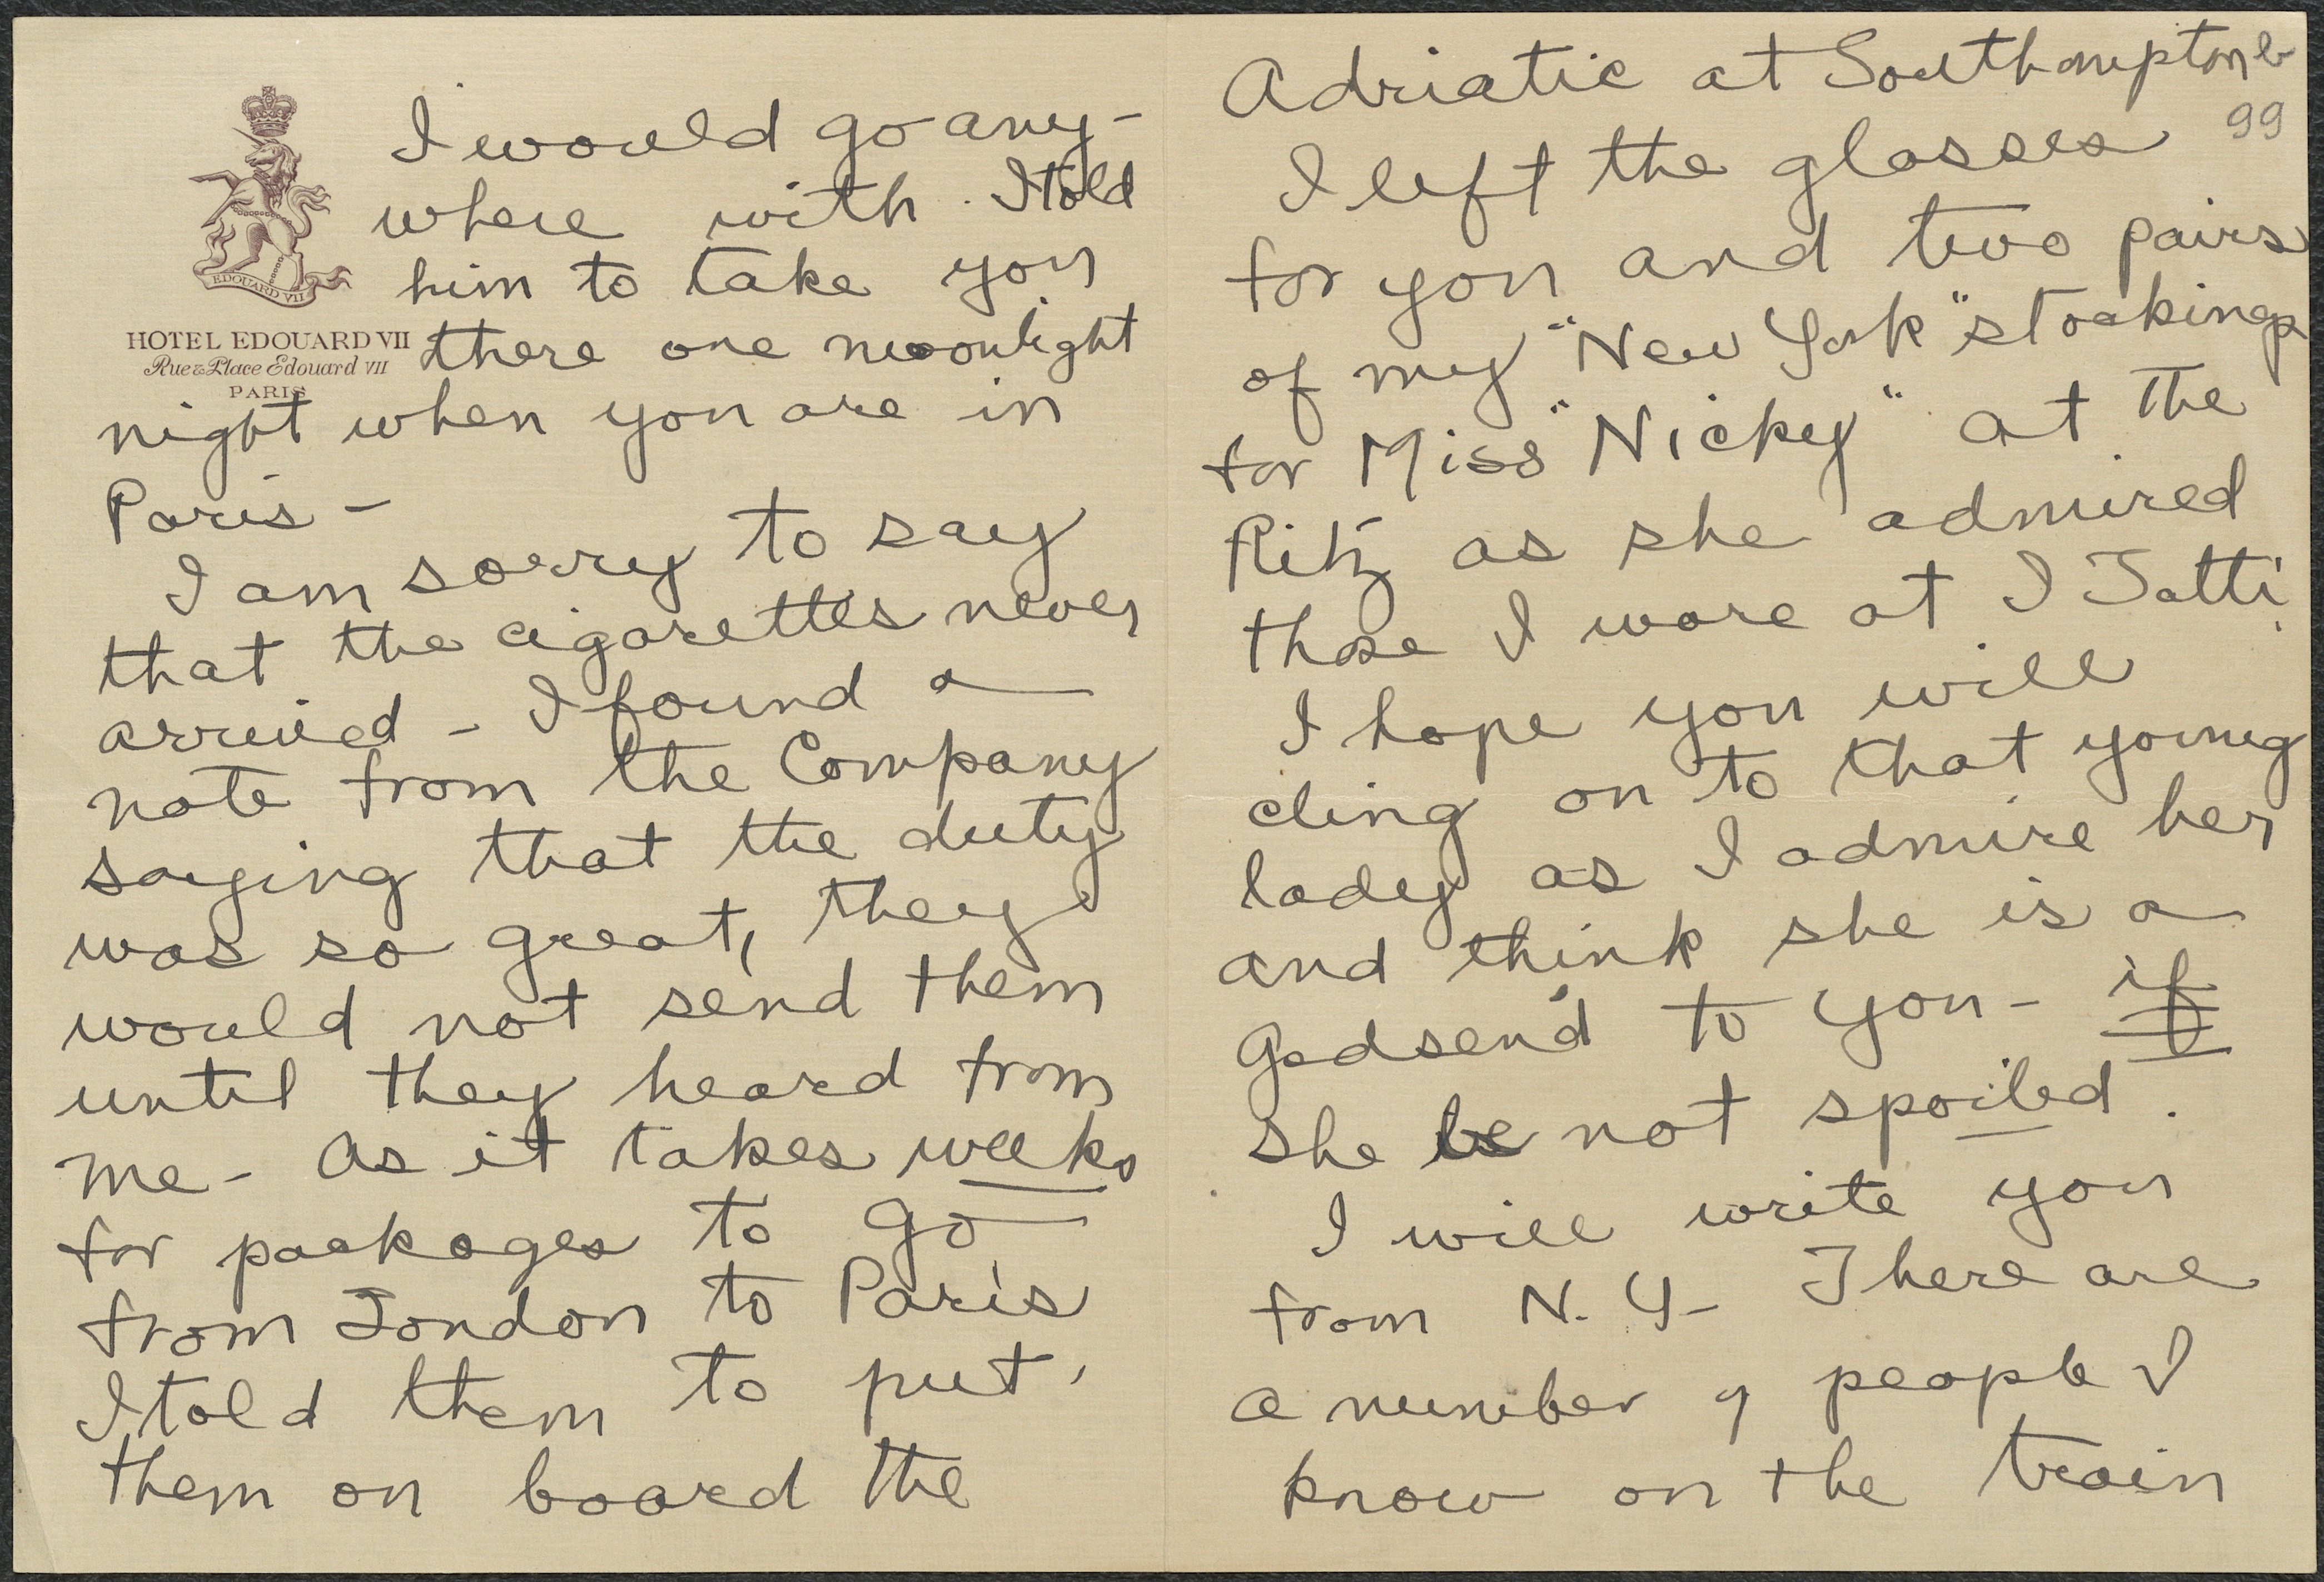I would go anywhere with. I told him to take you there one moonlight night when you are in Paris –
I am sorry to say that the cigarettes never arrived – I found a note from the company saying that the duty was so great, they would not send them until they heard from me – As it takes weeks for packages to go from London to Paris, I told them to put them on board the
Adriatic at Southampton.
I left the glasses for you and two pairs of my “New York” stockings for Miss “Nicky” at the Ritz as she admired those I wore at I Tatti.
I hope you will cling on to that young lady as I admire her and think she is a Godsend to you- [triple underlined: if] she be not spoiled.
I will write you from N.Y – There are a number of people I know on the train